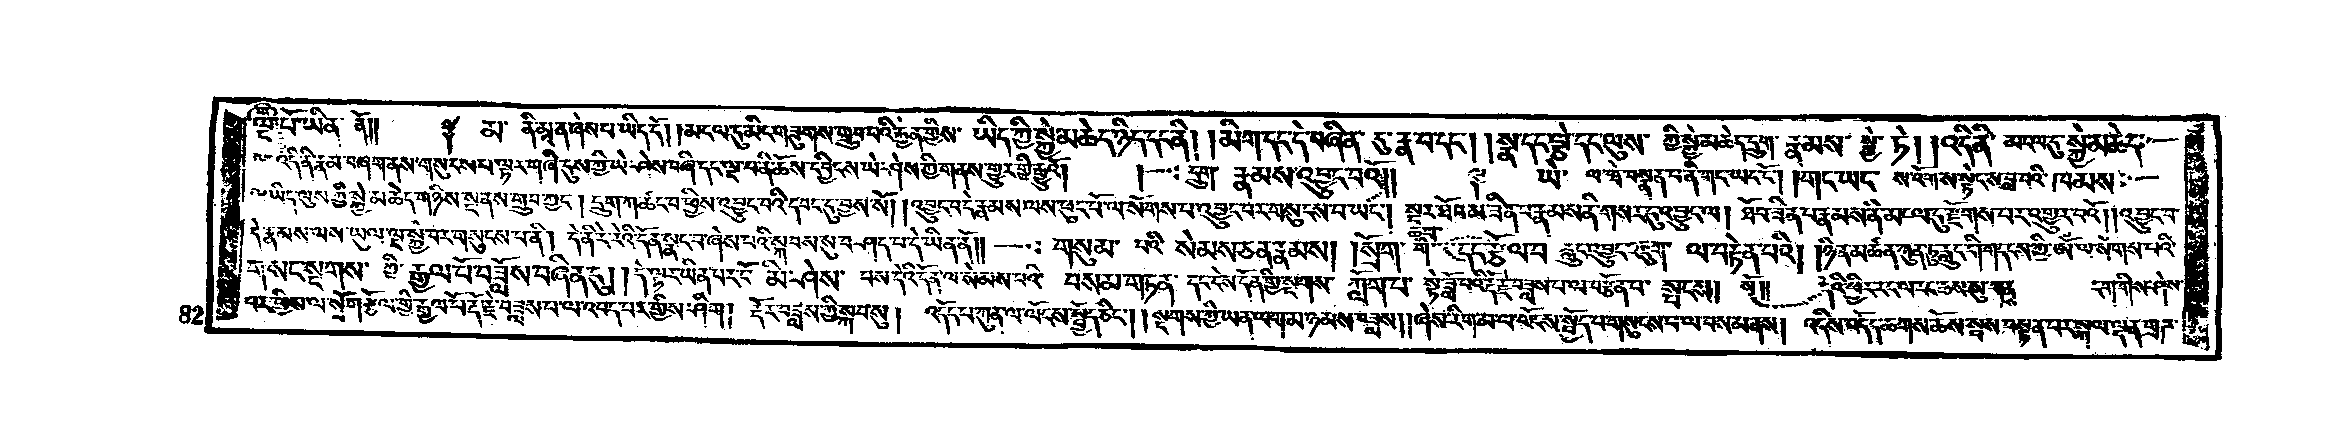ལྔ་པོ་ཡིན་ནོ།། ༈ མ་ནི་མཱ་ན་ཞེས་པ་ཡིད་དོ། །མངལ་དུ་མང་གཟུགས་འགྲུབ་པའི་རྐྱེན་གྱིས་ཡིད་ཀྱི་སྐྱེ་མཆེད་ཉིད་དང་ནི། །མིག་དང་དེ་བཞིན་དུ་རྣ་བ་དང་། །སྣ་དང་ལྕེ་དང་ལུས་ཀྱི་སྐྱེ་མཆེད་དྲུག་ནམས་སྐྱེ་ཏེ། །འདི་ནི་མངལ་དུ་སྐྱེ་མཆེདཿ
༧འདི་ནི་རྣམ་ཞག་ནས་གསུངས་པ་ལྟར་གཞ་དུས་ཀྱི་ཡེ་ཤེས་བཞི་དང་ལྔ་པ་ནི་ཆོས་དབྱིངས་ཡེ་ཤེས་ཀྱི་གནས་གྱུར་གྱི་རྒྱུའོ། །.Hདྲུག་རྣམས་འབྱུང་བའི། ། ༈ ཡེ་ལ་ཝེ་བསྣང་པ་ནི་གནག་ཡང་ངོ། །གང་ཡང་ས་འོག་ས་སྟེངས་བླ་བའི་ཁམསཿ
༧ཡིད་ལུས་ཀྱི་སྐྱེ་མཆེད་གཉིས་སྔ་ནས་གྲུབ་ཀྱང་། དྲུག་ཀ་ཚང་བ་ཕྱིས་འབྱུང་བའི་དབང་དུ་བྱས་སོ། །འབྱུང་བ་དེ་རྣམས་ལས་ཕུང་པོ་ལ་སོགས་པ་འབྱུང་བར་གསུངས་པ་ཡང་། སྔར་ཐོབ་མ་ཟིན་པ་རྣམས་ནི་གསར་དུ་འབྱུང་ལ། ཐོབ་ཟིན་པ་རྣམས་ནི་མགལ་དུ་རྫོགས་པར་འགྱུར་བའོ། །འབྱུང་བ་
དེ་རྣམས་ལས་ཡུ་ལྔ་སྐྱེ་བར་གསུངས་པ་ནི། དེ་ནི་རེ་རེའི་དོན་སྣང་བ་ཞེས་པའི་སྐབས་སུ་བཤད་པ་དེ་ཡིན་ནོ།།.Hགསུམ་པའི་སེམས་ཅན་རྣམས། །སྲོག་གི་དང་རྩོལ་བ་རླུང་འབྱུང་འཇུག་ལ་བརྟེན་པའི། །ཉིན་མཚན་ཀུན་ཏུ་རུང་གི་གདངས་ཀྱི་ཨོཾ་ལ་སོགས་པའི་
གསང་སྔགས་ཀྱི་རྒྱལ་པོ་བཟློས་བཞིན་དུ། །དེ་ལྟར་ཡིན་པར་ངོ་མི་ཤེས་པས་དེའི་དོན་ལ་སེམས་པའི་བསམ་གཏན་དང་ངེས་དོན་གྱི་སྔགས་ཀློག་པ་སྟེ་ཟློ་བའི་དོ་རྗེ་བཟླས་པ་ལ་བརྩོན་པ་སྤངས། སོ།། དེའི་ཕྱིར་རང་ལ་རང་ཆས་སུ་གན་དག་གིས་ཤེས་
པར་གྱིས་ལ་སྲོག་རྩོན་གྱི་རྒྱལ་པོ་རྡོ་རྗེ་བཟླས་པ་ལ་འད་པར་གྱིས་ཤིག །དོར་བཟླས་ཀྱི་སྐབས་སུ། འདོད་པ་ཀུན་ལ་ལོངས་སྤྱོད་ཅིང་། །སྔགས་ཀྱི་ཡན་ལག་མ་ཉམས་བཟླས། །ཞེས་རིག་མ་ལ་ལོངས་སྤྱོད་པ་གསུངས་པ་ལ་བསམ་ནས། འདིས་འདོད་ཆགས་ཆོས་སྦས་བསྟན་པར་སྐལ་ལྡན་གྲཌ་